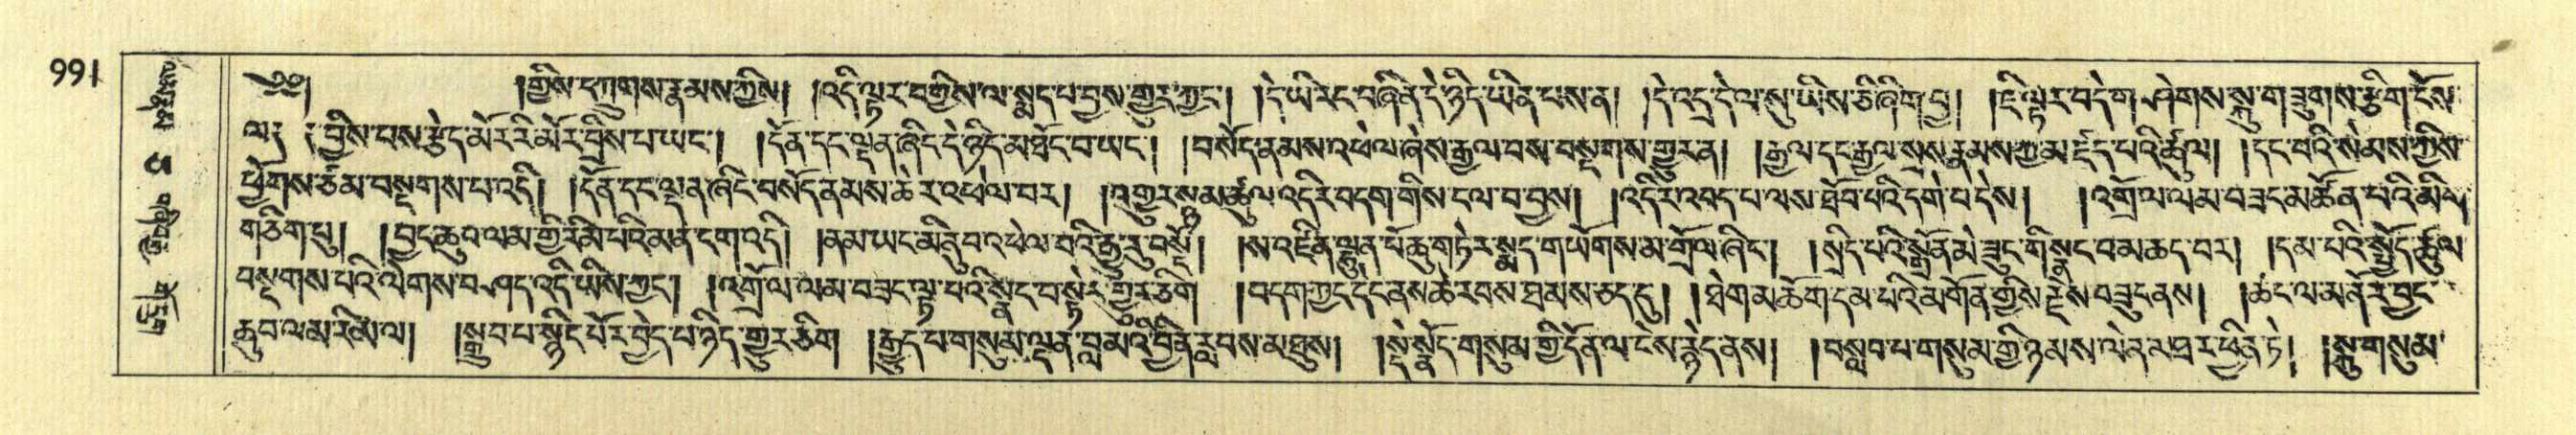༄༅། །གྱིས་དཀྲུགས་རྣམས་ཀྱིས། །འདི་ལྟར་བགྱིས་ལ་སྨད་པ་བྱས་གྱུར་ཀྱང་། །དེ་ཡི་རང་བཞིན་དེ་ཉིད་ཡིན་པས་ན། །དེ་འདྲ་དེ་ལ་སུ་ཡིས་ཅི་ཞིག་བྱ། །ཇི་ལྟར་བདེ་གཤེགས་སྐུ་གཟུགས་རྩིག་ངོས་
ལ༑ ༑བྱིས་པས་རྩེད་མོར་རི་མོར་བྲིས་པ་ཡང་། །དོན་དང་ལྡན་ཞིང་དེ་ཉིད་མཐོང་བ་ཡང་། བསོད་ནམས་འཕེལ་ཞེས་རྒྱལ་བས་བསྔགས་གྱུར་ན། །རྒྱལ་དང་རྒྱལ་སྲས་རྣམས་ཀྱ་མཛད་པའི་ཚུལ། །དང་པའི་སེམས་ཀྱིས་
ཕྱོགས་ཙམ་བསྔགས་པ་འདི། །དོན་དང་ལྡན་ཞིང་བསོད་ནམས་ཆེར་འཕེལ་བར། །འགྱུར་སྙམ་ཚུལ་འདིར་བདག་གིས་ངལ་བ་བྱས། །འདིར་འབད་པ་ལས་ཐོབ་པའི་དགེ་པ་དེས། །འགྲོལ་ལམ་བཟང་མཚོན་པའི་མིག་
གཅིག་པུ། །བྱང་ཆུབ་ལམ་གྱི་རིམ་པའི་མན་ངག་འདི། །ནམ་ཡང་མི་ནུབ་འཕེལ་བའི་རྒྱུ་རུ་བསྔོ། །ས་འཛིན་ལྷུན་པོ་ཆུ་གཏེར་སྨད་གཡོགས་མ་གྲོལ་ཞིང་། །སྲིད་པའི་སྒྲོན་མེ་ཟུང་གི་སྣང་བམ་ཆད་བར། །དམ་པའི་སྤྱོད་ཚུལ་
བསྔགས་པའི་ལེགས་བཤད་འདི་ཡིས་ཀྱང་། །འགྲོ་ལ་ལམ་བཟང་ལྟ་པའི་སྣང་བ་སྟེར་གྱུར་ཅིག །བདག་ཀྱང་དེང་ནས་ཆེ་རབས་ཐམས་ཅད་དུ། །ཐེག་མཆོག་དམ་པའི་མགོན་གྱིས་རྗེས་བཟུང་ནས། །ཚང་ལ་མ་ནོར་བྱང་
ཆུབ་ལམ་རིམ་ལ། །སྒྲུབ་པ་སྙིང་པོར་བྱེད་པ་ཉིད་གྱུར་ཅིག །རྒྱུད་པ་གསུམ་ལྡན་བླ་མཱི་བྱིན་རླབས་མཐུས། །སྡེ་སྣོད་གསུམ་གྱི་དོན་ལ་ངེས་རྙེད་ནས། །བསླབ་པ་གསུམ་གྱི་ཉམས་ལེན་མཐར་ཕྱིན་ཏེ། །སྐུ་གསུམ་